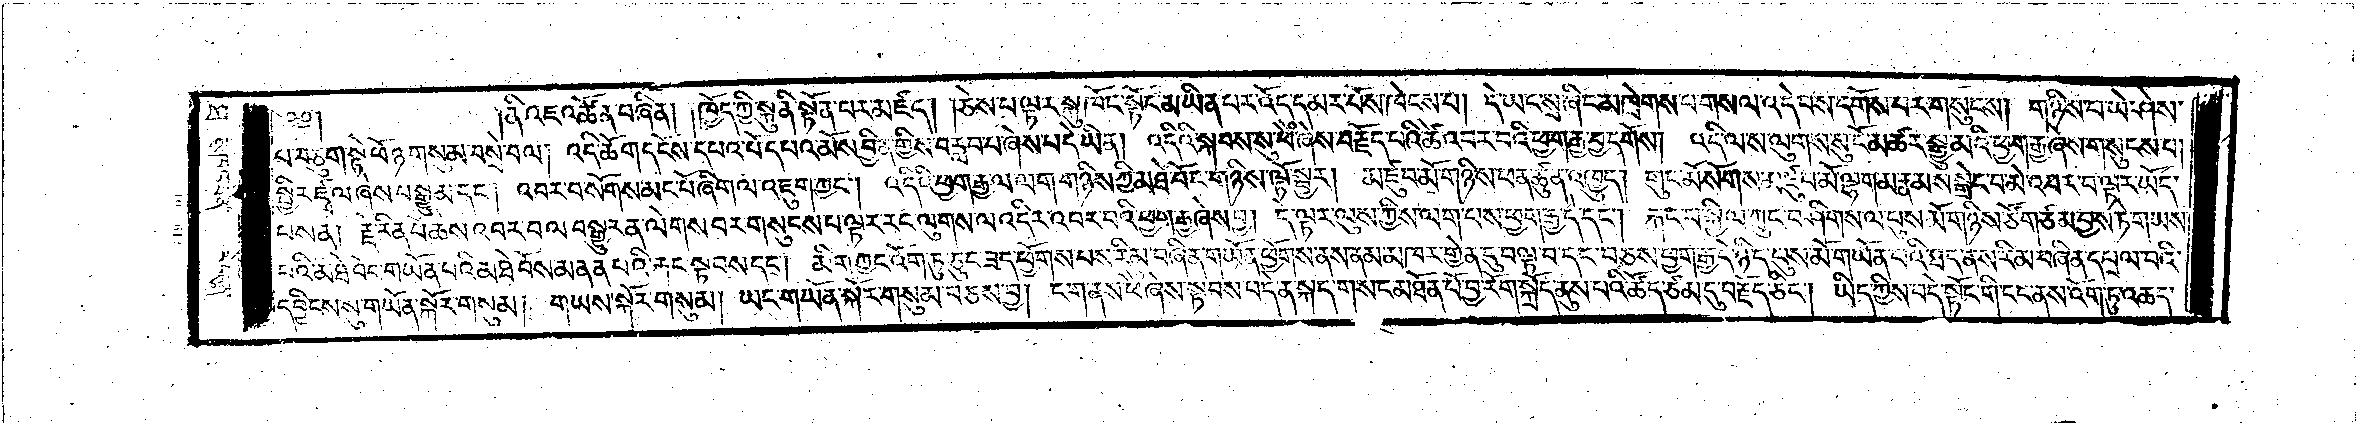༄༅། །ནི་འཇའ་ཚོན་བཞིན། །ཁྱོད་ཀྱི་སྐུ་ནི་སྟོན་པར་མཛད། །ཅེས་པ་ལྟར་སྐུ་ཁོང་སྟོང་མ་ཡིན་པར་འོད་དམར་བོས་ཁེངས་པ། དེ་ཡང་སྲ་ཞིང་མཁྲེགས་པ་གསལ་འདེབས་དགོས་པར་གསུངས། གཉིས་པ་ཡེ་ཤེས་
པ་བཅུག་སྟེ་ཕོ་ཉ་གསུམ་བསྲེ་བ་ལ། འདི་ཆོག་དངོས་དཔའ་བོ་དཔའ་མོས་བྱིན་གྱིས་བརླབ་པ་ཞེས་བདེ་ཡིན། འདིའི་སྐབས་སུ་ཕཻཾ་ཞེས་བརྗོད་པའི་ཚེ་འབར་བའི་ཕྱག་རྒྱ་བྱ་དགོས། འདི་ལས་ལུགས་སུ་ངོ་མཚར་སྒྱུ་མའི་ཕྱག་རྒྱ་ཞེས་གསུངས་པ།
སྤྱིར་ཛྭ་ལ་ཞེས་པ་སྒྱུ་མ་དང་། འབར་བསོགས་མང་པོ་ཞིག་ལ་འཇུག་ཀྱང་། འདིའི་ཕྱག་རྒྱ་ལ་ལག་གཉིས་ཀྱི་མཐེ་བོང་གཉིས་ལྟོ་སྦྱར། མཛུབ་མོ་གཉིས་ཕན་ཚུན་འཁྱུད། གུང་མོ་སོགས་མཛུབ་མོ་ལྷག་མ་རྣམས་སྒྲེད་བ་མེ་འབར་བ་ལྟར་ཡོད་
པས་ན། རྗེ་རིན་པོ་ཆེས་འབར་བ་ལ་བསྒྱུར་ན་ལེགས་པར་གསུངས་པ་ལྟར་རང་ལུགས་ལ་འདིར་འབར་བའི་ཕྱག་རྒྱ་ཞེས་བྱ། དེ་ལྟར་ལུས་ཀྱིས་ལག་པས་ཕྱག་རྒྱ་དེ་དང་། རྐང་པ་སྐྱིལ་ཀྲུང་བཤིགས་ལ་བུས་མོ་གཉིས་ཙོག་ཙམ་བྱས་ཏེ་གཡས་
པའི་མཐེ་བོང་གཡོན་པའི་མཐེ་པོས་མནན་པའི་རྐང་སྟབས་དང་། མིག་ཀྱང་འོག་ཏུ་ཅུང་ཟད་ཕྱོགས་པས་རིམ་བཞིན་གཡོན་ཕྱོགས་ནས་ནམ་མཁར་གྱེན་དུ་བལྟ་བ་དང་བཅས་ཕྱག་རྒྱ་དེ་ཉིད་བུས་མོ་གཡོན་པའི་ཐད་ནས་རིམ་བཞིན་དཔྲལ་བའི་
དབྱིངས་སུ་གཡོན་སྐོར་གསུམ། གཡས་སྐོར་གསུམ། ཡང་གཡོན་སྐོར་གསུམ་བཅས་བྱ། ངག་ནས་ཕཻཾ་ཞེས་སྟབས་བདེན་སྐད་གསང་མཐོན་པོ་བྱ་རོག་སྐྲོད་ནུས་པའི་ཚོད་ཙམ་དུ་བརྗོད་ཅིང་། ཡིད་ཀྱིས་བདེ་སྟོང་གི་དང་ནས་འོག་ཏུ་འཆད་